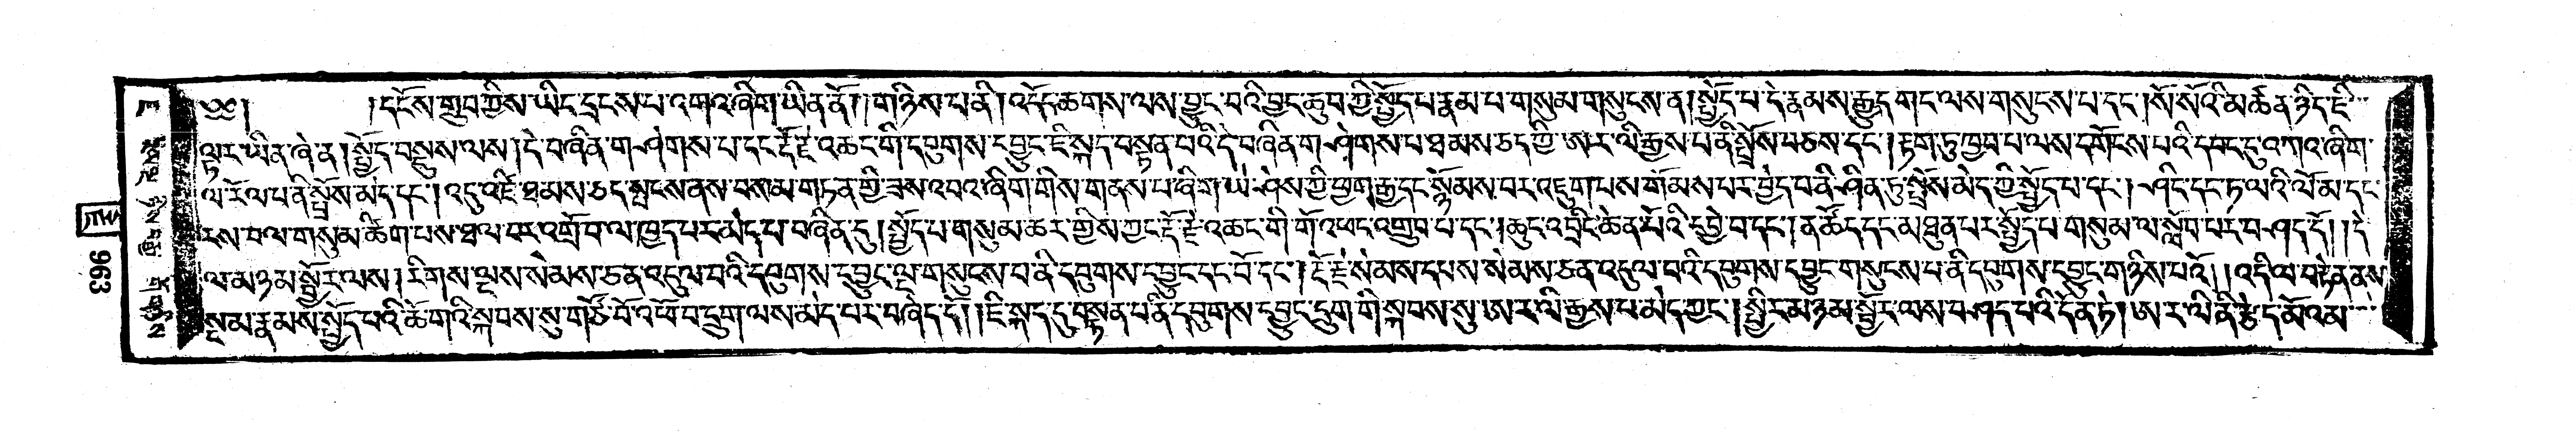༄༅། །དངོས་གྲུབ་ཀྱིས་ཡིད་དྲངས་པ་འགའ་ཞིག་ཡིན་ནོ། །གཉིས་པ་ནི། འདོད་ཆགས་ལས་བྱུང་བའི་བྱང་ཆུབ་ཀྱི་སྤྱོད་པ་རྣམ་པ་གསུམ་གསུངས་ན། སྤྱོད་པ་དེ་རྣམས་རྒྱུད་གང་ལས་གསུངས་པ་དང་། སོ་སོའི་མཚན་ཉིད་ཇི་
ལྟར་ཡིན་ཞེ་ན། སྤྱོད་བསྡུས་ལས། དེ་བཞིན་གཤེགས་པ་དང་རྡོ་རྗེ་འཆང་གི་དབུགས་དབྱུང་ཇི་སྐད་བསྟན་པའི་དེ་བཞིན་གཤེགས་པ་ཐམས་ཅད་ཀྱི་ཨ་ར་ལི་རྒྱས་པ་ནི་སྤྲོས་བཅས་དང་། རྟག་ཏུ་ཁྱབ་པ་ལས་དགོངས་པའི་དབང་དུ་འགའ་ཞིག་
ལ་རོལ་པ་ནི་སྤྲོས་མེད་དང་། འདུ་འཛི་ཐམས་ཅད་སྤངས་ནས་བསམ་གཏན་གྱི་ཟས་འབའ་ཞིག་གིས་གནས་པ་ཞིག་ཡེ་ཤེས་ཀྱི་ཕྱག་རྒྱ་དང་སྙོམས་པར་འཇུག་པས་གོམས་པར་བྱད་པ་ནི་ཤིན་ཏུ་སྤྲོས་མེད་ཀྱི་སྤྱོད་པ་དང་། ཤིང་དང་ཏ་ལའི་ལོ་མ་དང་
རས་བལ་གསུམ་ཆིག་པས་ཐལ་བར་འགྲོ་བ་ལ་ཁྱད་པར་མེད་པ་བཞིན་དུ། སྤྱོད་པ་གསུམ་ཆར་གྱིས་ཀྱང་རྡོ་རྗེ་འཆང་གི་གོ་འཕང་འགྲུབ་པ་དང་། ཆུང་འབྲིང་ཆེན་པོའི་དབྱེ་བ་དང་། ན་ཚོད་དང་མཐུན་པར་སྤྱོད་པ་གསུམ་ལ་སློབ་པར་བཤད་དོ། །དེ་
ལ་མཉམ་སྦྱོར་ལས། རིགས་ལྔས་སེམས་ཅན་འདུལ་བའི་དབུགས་དབྱུང་ལྔ་གསུངས་པ་ནི་དབུགས་དབྱུང་དང་པོ་དང་། རྡོ་རྗེ་སེམས་དཔས་སེམས་ཅན་འདུལ་བའི་དབུགས་དབྱུང་གསུངས་པ་ནི་དབུགས་དབྱུང་གཉིས་པའོ། །འདི་ལ་བརྟེན་ནས་
སྔ་མ་རྣམས་སྤྱོད་པའི་ཆོ་གའི་སྐབས་སུ་གཙོ་བོ་འཕོ་བ་དྲུག་ལས་མེད་པར་བཞེད་དོ། །ཇི་སྐད་དུ་བསྟན་པ་ནི་དབུགས་དབྱུང་དྲུག་གི་སྐབས་སུ་ཨ་ར་ལི་རྒྱས་པ་མེད་ཀྱང་། སྤྱིར་མཉམ་སྦྱོར་ལས་བཤད་པའི་དོན་ཏེ། ཨ་ར་ལི་ནི་རྩེད་མོའམ་